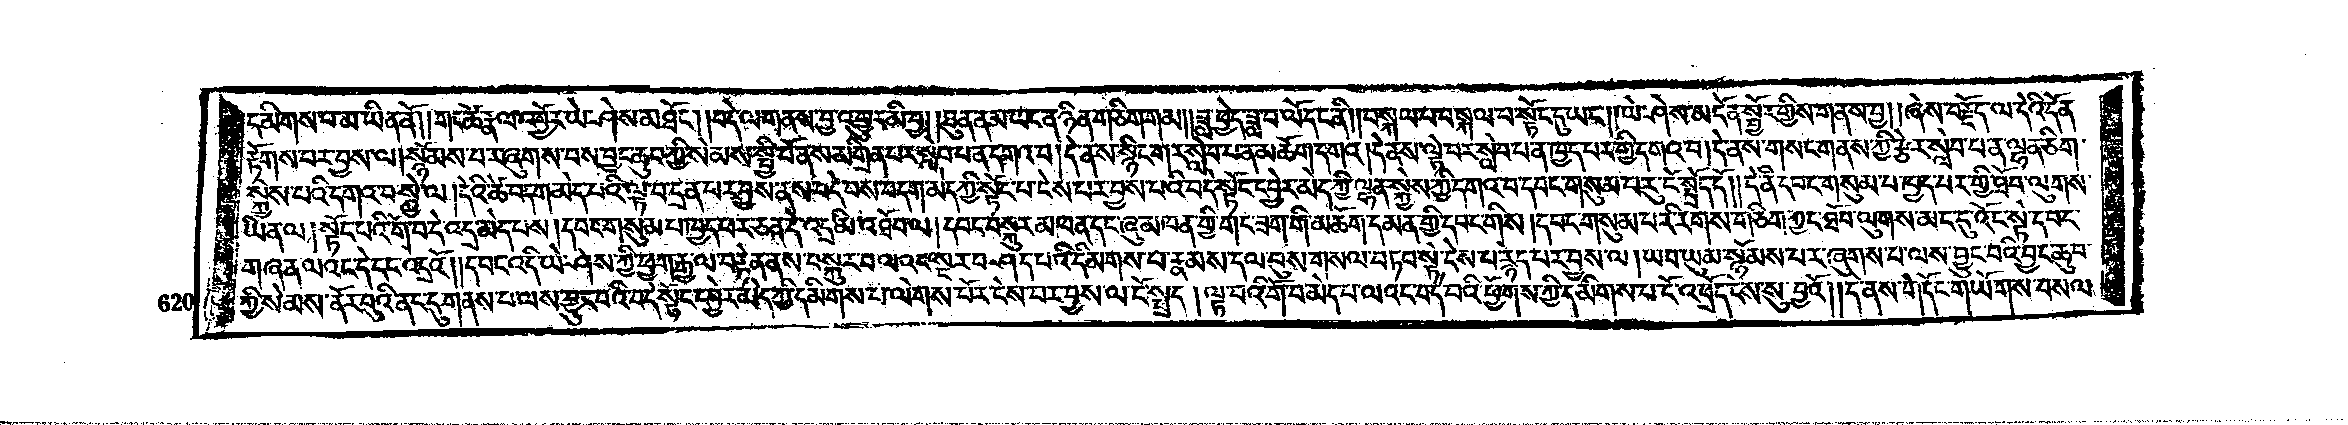དམིགས་པ་མ་ཡིན་ནོ། །གང་ཚེ་རྣལ་འབྱོར་ཡེ་ཤེས་མཐོང་། །བདེ་ལ་གནས་བྱ་འགྱུར་མི་བྱ། །ཐུན་ནམ་ཡང་ན་ཉིན་གཅིག་གམ། །ཟླ་ཕྱེད་ཟླ་བ་ལོ་དང་ནི། །བསྐལ་པ་བསྐལ་པ་སྟོང་དུ་ཡང་། །ཡེ་ཤེས་མངོན་སྦྱོར་གྱིས་གནས་བྱ། །ཞེས་བརྗོད་ལ་དེའི་དོན་
རྟོགས་པར་བྱས་ལ། སྙོམས་པར་ཞུགས་པས་བྱང་ཆུབ་ཀྱི་སེམས་སྤྱི་བོ་ནས་མགྲིན་པར་སླེབ་པ་ན་དགའ་བ། དེ་ནས་སྙིང་གར་སླེབ་པ་ན་མཆོག་དགའ། དེ་ནས་ལྟེ་བར་སླེབ་པ་ན་ཁྱད་པར་གྱི་དགའ་བ། དེ་ནས་གསང་གནས་ཀྱི་རྩེར་སླེབ་པ་ན་ལྷན་ཅིག་
སྐྱེས་པའི་དགའ་བ་སྐྱེ་ལ། དེའི་ཚེ་བདག་མེད་པའི་ལྟ་བ་དྲན་པར་བྱས་ནས་བདེ་བས་བདག་མེད་ཀྱི་སྟོང་པ་ངེས་པར་བྱས་པའི་བདེ་སྟོང་དབྱེར་མེད་ཀྱི་ལྷན་སྐྱེས་ཀྱི་དགའ་བ་དབང་གསུམ་པ་རུ་ངོ་སྤྲོད་དོ། །དེ་ནི་དབང་གསུམ་པ་ཁྱད་པར་གྱི་ཐོབ་ལུགས་
ཡིན་ལ། སྟོང་པའི་གོ་བ་དེ་འདྲ་མེད་པས། དབང་གསུམ་པ་ཁྱད་པར་ཅན་དེ་འདྲ་མི་འཐོབ་ལ། དབང་བསྐུར་མཁན་དང་ཞུ་མཁན་གྱི་གང་ཟག་གི་མཆོག་དམན་གྱི་དབང་གིས། དབང་གསུམ་པར་རིགས་གཅིག་ཀྱང་ཐོབ་ལུགས་མང་དུ་འོང་སྟེ་དབང་
གཞན་ལའང་དེ་དང་འདྲའོ། །དབང་འདི་ཡེ་ཤེས་ཀྱི་ཕྱག་རྒྱ་ལ་བརྟེན་ནས་བསྐུར་བ་ལའང་སྔར་བཤད་པའི་དམིགས་པ་རྣམས་དལ་བུས་གསལ་བཏབ་སྟེ་ངེས་པ་རྙེད་པར་བྱས་ལ། ཡབ་ཡུམ་སྙོམས་པར་ཞུགས་པ་ལས་བྱུང་བའི་བྱང་ཆུབ་
ཀྱི་སེམས་ནོར་བུའི་ནང་དུ་གནས་པ་ལས་བྱུང་བའི་བདེ་སྟོང་དབྱེར་མེད་ཀྱི་དམིགས་པ་ལེགས་པོར་ངེས་པར་བྱས་ལ་ངོ་སྤྲད། ལྟ་བའི་གོ་བ་མེད་པ་ལའང་བདེ་བའི་ཕྱོགས་ཀྱི་དམིགས་པ་ངོ་འཕྲོད་ངེས་སུ་བྱའོ། །དེ་ནས་གདོང་གཡོགས་བསལ་